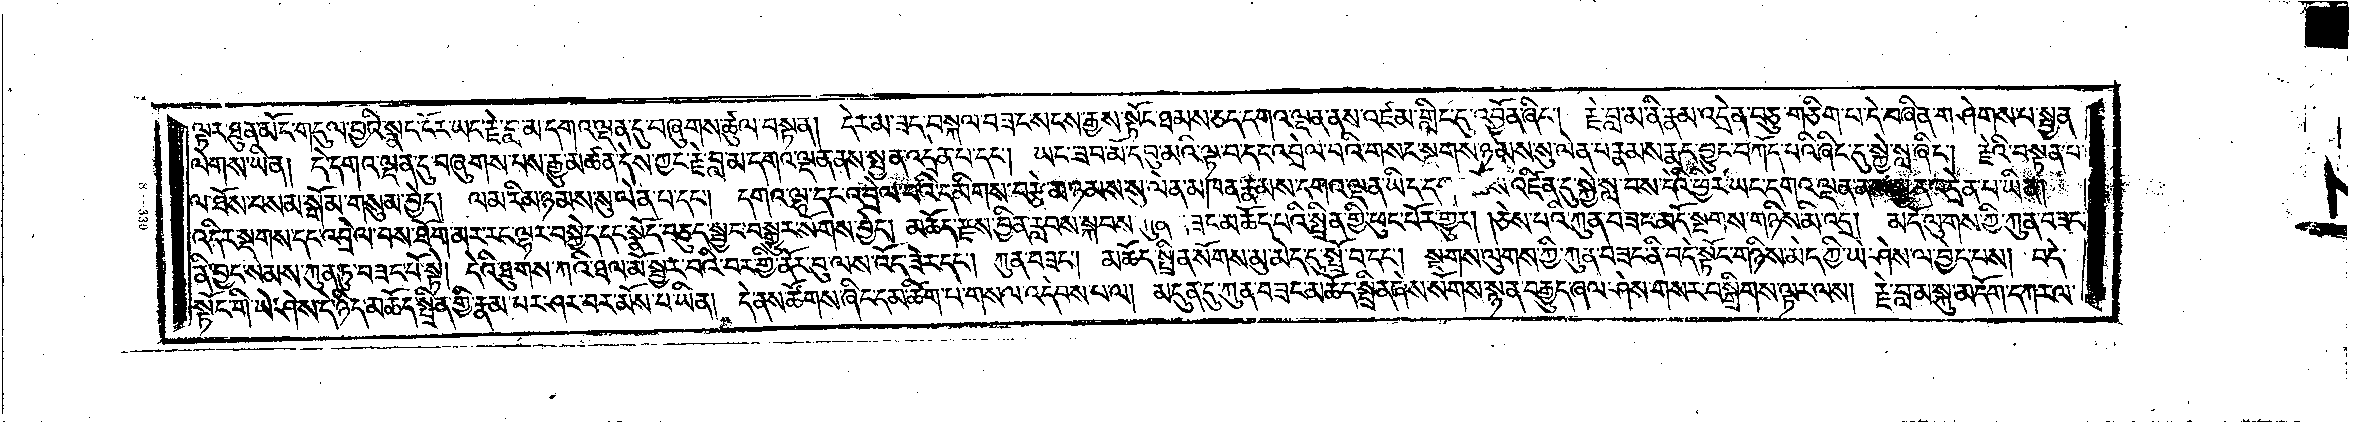ལྟར་ཐུན་མོང་གདུལ་བྱའི་སྣང་ངོར་ཡང་རྗེ་བླ་མ་དགའ་ལྡན་དུ་བཞུགས་ཚུལ་བསྟན། དེར་མ་ཟད་བསྐལ་བཟང་སངས་རྒྱས་སྟོང་ཐམས་ཅད་དགའ་ལྡན་ནས་འཛམ་གླིང་དུ་འབྱོན་ཞིང་། རྗེ་བླ་མ་ནི་རྣམ་འདྲེན་བཅུ་གཅིག་པ་དེ་བཞིན་གཤེགས་པ་སྤྱན་
ལེགས་ཡིན། དེ་དགའ་ལྡན་དུ་བཞུགས་པས་རྒྱུ་མཚན་དེས་ཀྱང་རྗེ་བླ་མ་དགའ་ལྡན་ནས་སྤྱན་འདྲེན་པ་དང་། ཡང་ཟབ་མོ་དབུ་མའི་ལྟ་བ་དང་འབྲེལ་བའི་གསང་སྔགས་ཉམས་སུ་ལེན་པ་རྣམས་རྨད་བྱུང་བཀོད་པའི་ཞིང་དུ་སྐྱེ་སླ་ཞིང་། རྗེའི་བསྟན་པ་
ལ་ཐོས་བསམ་སྒོམ་གསུམ་བྱེད། ལམ་རིམ་ཉམས་སུ་ལེན་པ་དང་། དགའ་ལྷ་དང་འབྲེལ་བའི་དམིགས་བརྩེ་མ་ཉམས་སུ་ལེན་མཁན་རྣམས་དགའ་ལྡན་ཡིད་དགའ་ཆོས་འཛིན་དུ་སྐྱེ་སླ་བས་དེའི་ཕྱིར་ཡང་དགའ་ལྡན་ནས་སྤྱན་འདྲེན་པ་ཡིན།
འདིར་སྔགས་དང་འབྲེལ་བས་ཐོག་མར་རང་ལྷར་བསྐྱེད་དང་སྣོད་བཅུད་སྦྱང་བསྒྱུར་སོགས་བྱེད། མཆོད་རྫས་བྱིན་རླབས་སྐབས་ཀུན་བཟང་མཆོད་པའི་སྤྲིན་གྱི་ཕུང་པོར་གྱུར། །ཅེས་པའི་ཀུན་བཟང་མདོ་སྔགས་གཉིས་མི་འདྲ། མདོ་ལུགས་ཀྱི་ཀུན་བཟང་
ནི་བྱང་སེམས་ཀུན་ཏུ་བཟང་པོ་སྟེ། དེའི་ཐུགས་ཀའི་ཐལ་མོ་སྦྱར་བའི་བར་གྱི་ནོར་བུ་ལས་འོད་ཟེར་དང་། ཀུན་བཟང་། མཆོད་སྤྲིན་སོགས་མུ་མེད་དུ་སྤྲོ་བ་དང་། སྔགས་ལུགས་ཀྱི་ཀུན་བཟང་ནི་བདེ་སྟོང་གཉིས་མེད་ཀྱི་ཡེ་ཤེས་ལ་བྱེད་པས། བདེ་
སྟོང་གི་ཡེ་ཤེས་དེ་ཉིད་མཆོད་སྤྲིན་གྱི་རྣམ་པར་ཤར་བར་མོས་པ་ཡིན། དེ་ནས་ཚོགས་ཞིང་དམ་ཚིག་པ་གསལ་འདེབས་པ་ལ། མདུན་དུ་ཀུན་བཟང་མཆོད་སྤྲིན་ཞེས་སོགས་སྙན་བརྒྱུད་ཞལ་ཤེས་གསར་བསྒྲིགས་ལྟར་ལས། རྗེ་བླ་མ་སྐུ་མདོག་དཀར་ལ་